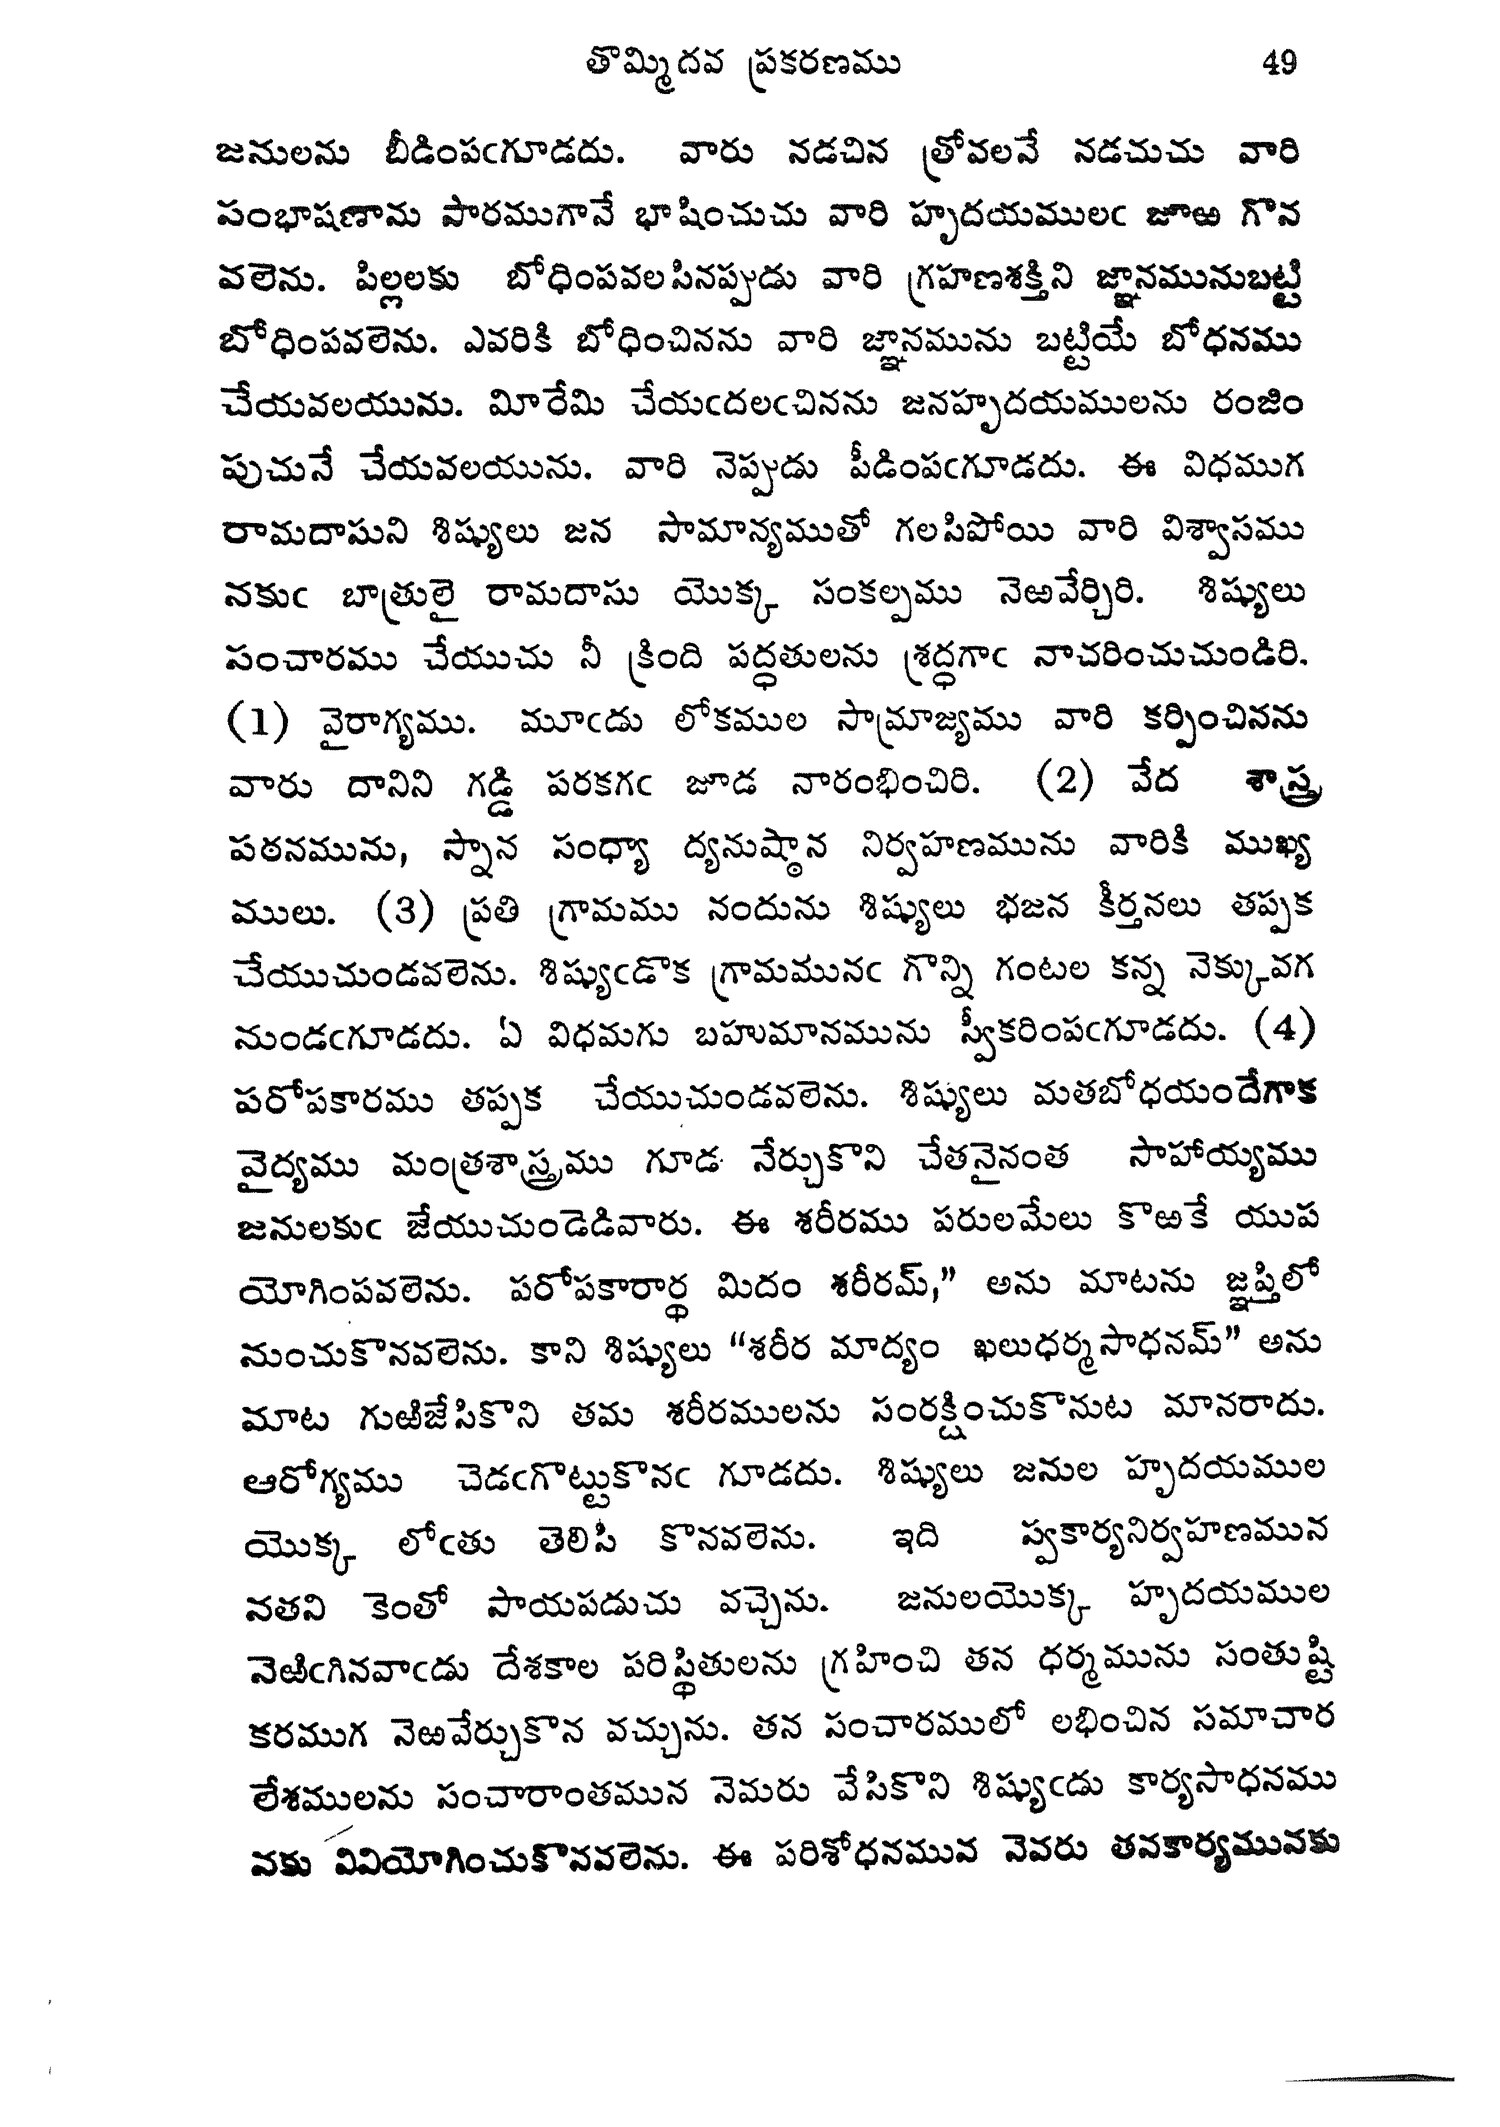జనులను బీడింపగూడదు.వారు నడచిన త్రోవలనే నడచుచు వారి సంభాషణాను సారముగానే భాషించుచు వారి హృదయముల జూఱ గొనవలెను. పిల్లలకు బోధింపవలసినప్పుడు వారి గ్రహణశక్తిని జ్ఞానమునుబట్టి బోధింపవలెను. ఎవరికి బోధించినను వారి జ్ఞానమును బట్టియే బోధనము చేయవలయును. మీరేమి చేయదలచినను జనహృదయములను రంజింపుచునే చేయవలెను. వారి నెప్పుడు పీడింపగూడదు. ఈ విధముగ రామదాసుని శిష్యులు జన సామాన్యముతో గలసిపోయి వారి విశ్వాసమునకు బాత్రులై రామదాసు యొక్క సంకల్పము నెఱవేర్చిరి. శిష్యులు సంచారము చేయుచు నీ క్రింది పద్ధతులను శ్రద్ధగా నాచరించుచుండిరి. 1. వైరాగ్యము. మూడు లోకముల సామ్రాజ్యము వారి కర్పించినను వారు దానిని గడ్డి పరకగ జూడ నారంభించిరి. 2. వేద శాస్త్ర పఠనమును, స్నాన సంధ్యా ద్యనుష్ఠాన నిర్వహణమును వారికి ముఖ్యములు. 3. ప్రతి గ్రామము నందును శిష్యులు భజన కీర్తనలు తప్పక చేయుచుండవలెను. శిష్యుడొక గ్రామమున గొన్ని గంటల కన్న నెక్కువగ నుండగూడదు. ఏ విధమగు బహుమానమును స్వీకరింపగూడదు. 4. పరోపకారము తప్పక చేయుచుండవలెను. శిష్యులు మతబోధయందేగాక వైద్యము మంత్రశాస్త్రము గూడ నేర్చుకొని చేతనైనంత సాహాయ్యము జనులకు జేయుచుండెడివారు. ఈ శరీరము పరులమేలు కొఱకే యుపయోగింపవలెను.పరోపకారార్థ మిదం శరీరమ్," అను మాటను జ్ఞప్తిలో నుంచుకొనవలెను. కాని శిష్యులు "శరీర మాద్యం బలుధర్మసాధనమ్" అను మాట గుఱిజేసికొని తమ శరీరములను సంరక్షించుకొనుట మానరాదు. ఆరోగ్యము చెడగొట్టుకొన గూడదు. శిష్యులు జనుల హృదయముల యొక్క లోతు తెలిసి కొనవలెను. ఇది స్వకార్యనిర్వహణమున నతని కెంతో సాయపడుచు వచ్చెను. జనులయొక్క హృదయముల నెఱిగినవాడు దేశకాల పరిస్థితులను గ్రహించి తన ధర్మమును సంతుష్టికరముగ నెఱవేర్చుకొన వచ్చును. తన సంచారములో లభించిన సమాచార లేశములను సంచారాంతమున నెమరు వేసికొని శిష్యుడు కార్యసాధనమునకు వినియోగించుకొనవలెను. ఈ పరిశోధనమున నెవరు తనకార్యమునకు